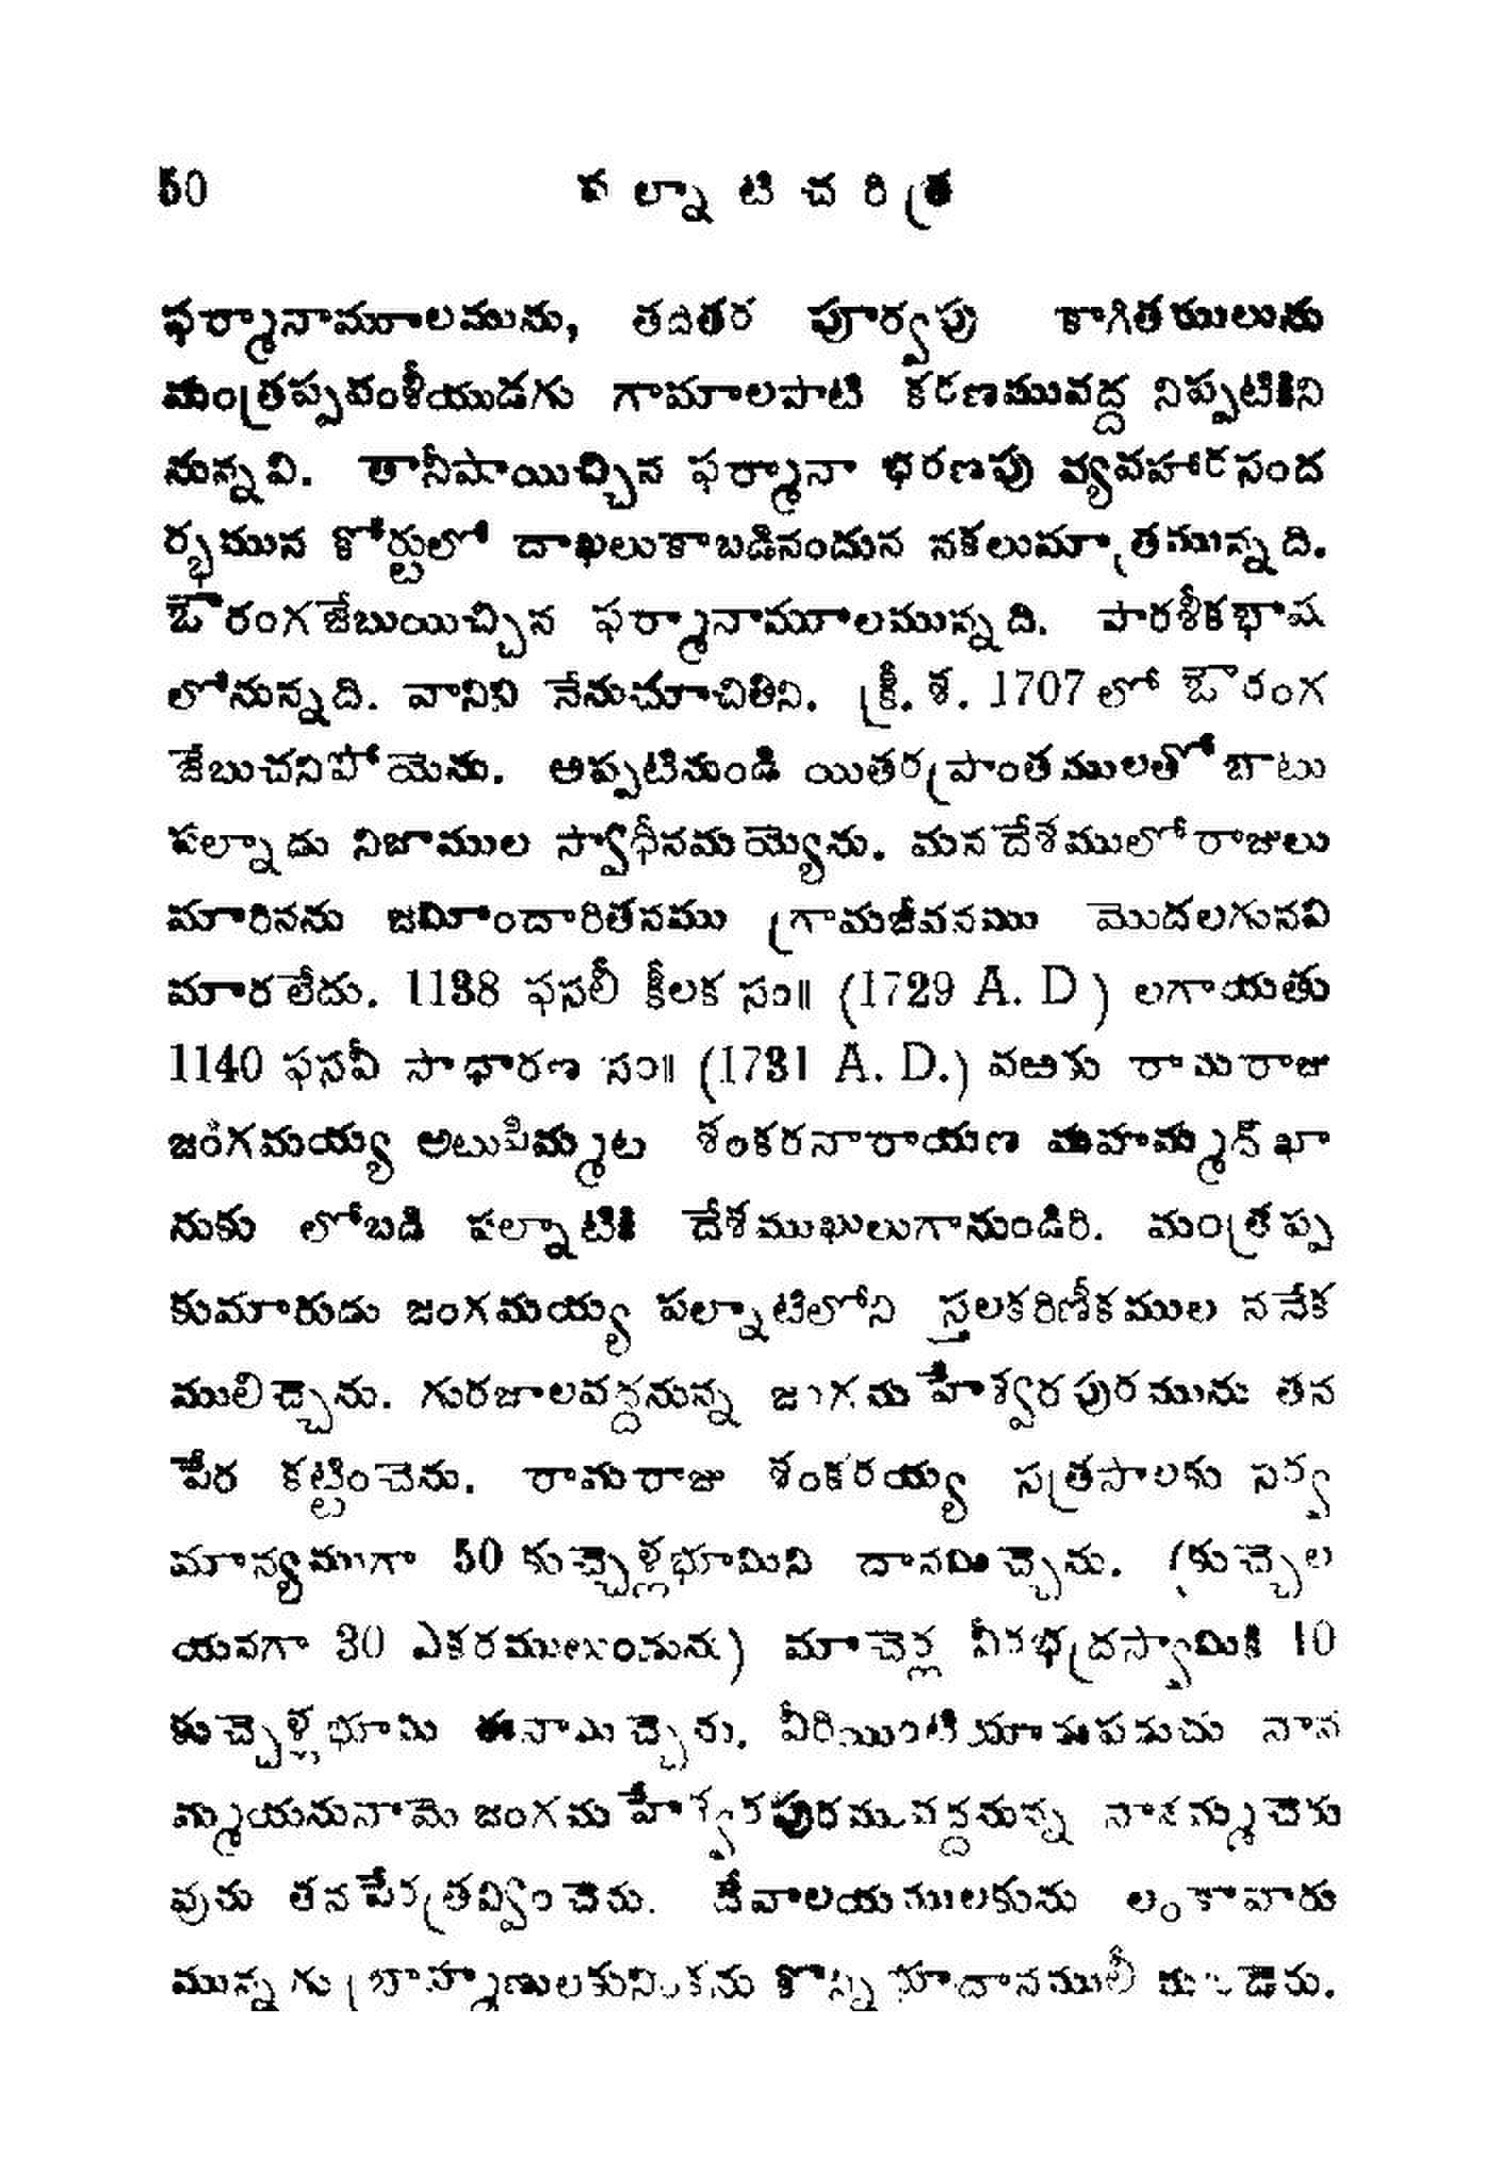ఫర్మానామూలమును, తదితర పూర్వపు కాగితములును
మంత్రప్పవంశీయుడగు గామాలపాటి కరణమువద్ద నిప్పటికిని
నున్నవి. తానీషా యిచ్చిన ఫర్మానా భరణపు వ్యవహార సందర్భమున 
కోర్టులో దాఖలు కాబడినందున నకలుమాత్రమున్నది.
ఔరంగజేబుయిచ్చిన ఫర్మానామూలమున్నది. పారశీక భాష
లోనున్నది. వానిని నేను చూచితిని. క్రీ.శ. 1707 లో ఔరంగ
జేబుచనిపోయెను. అప్పటినుండి యితర ప్రాంతములతో బాటు
పల్నాడు నిజాముల స్వాధీనమయ్యెను. మనదేశములో రాజులు
మారినను జమీందారీతనము గ్రామజీవనము మొదలగునవి
మారలేదు. 1138 ఫసలీ కీలక సం॥ (1729 A. D) లగాయతు
1140 ఫసలీ సాధారణ సం॥ (1731 A. D.) వఱకు రామరాజు
జంగమయ్య అటుపిమ్మట శంకరనారాయణ మహమ్మద్ ఖానుకు 
లోబడి పల్నాటికి దేశముఖులుగానుండిరి. మంత్రప్ప
కుమారుడు జంగమయ్య పల్నాటిలోని స్తలకరిణీకముల ననేకము
లిచ్చెను. గురజాలవద్దనున్న జంగమహేశ్వరపురమును తన
పేర కట్టించెను. రామరాజు శంకరయ్య సత్రసాలకు సర్వ
మాన్యముగా 50 కుచ్చెళ్ల భూమిని దానమిచ్చెను. (కుచ్చెల
యనగా 30 ఎకరములుండును) మాచెర్ల వీరభద్రస్వామికి 10
కుచ్చెళ్ల భూమి ఈనామిచ్చెను . వీరియింటియాడపడుచు నానమ్మ
యనునామె జంగమహేశ్వరపురమువద్దనున్న నానమ్మ చెరు
వును తనపేర త్రవ్వించెను. దేవాలయములకును లంకావారు
మున్నగు బ్రాహ్మణులకునింకను కొన్ని భూదానములీయబడెను